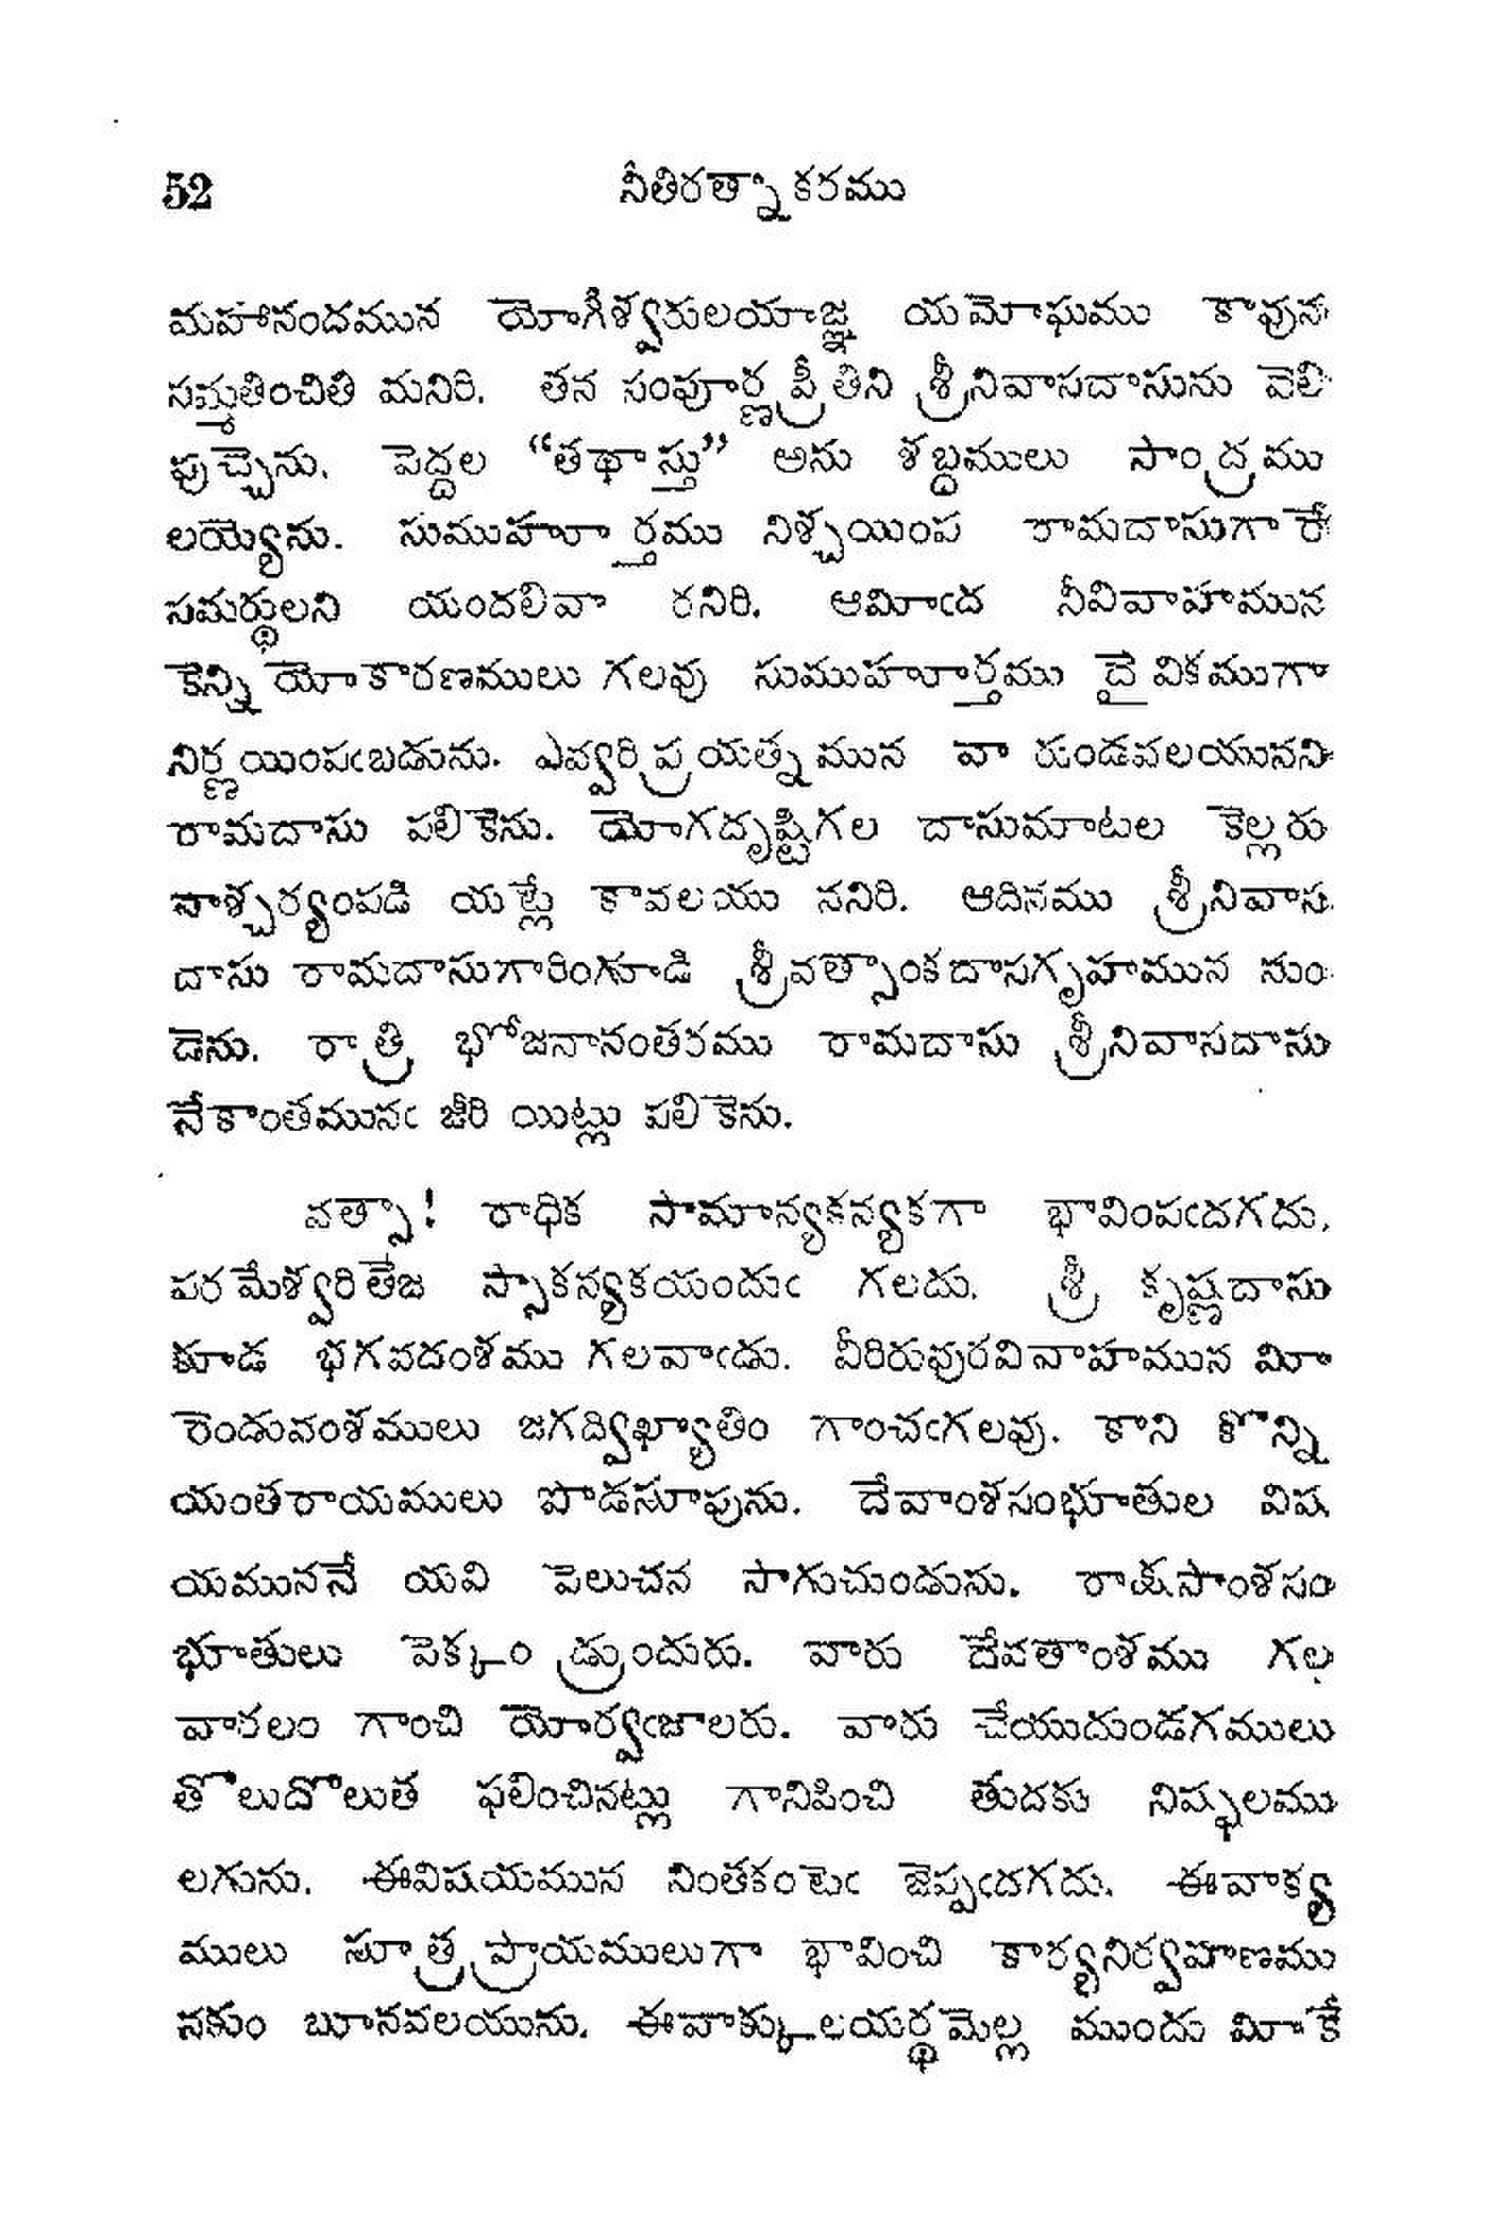మహానందమున యోగీశ్వరులయాజ్ఞ యమోఘము కావును సమ్మతించితి మనిరి. తన సంపూర్ణ ప్రీతిని శ్రీనివాసదాసును వెలి పుచ్చెను. పెద్దల “తథాస్తు" అను శబ్దములు సాంద్రము లయ్యెను. సుముహూర్తము నిశ్చయింప రామదాసుగారే సమర్ధులని యందలివా రనిరి. ఆమీఁద నీవివాహమున కెన్నియో కారణములు గలవు సుముహూర్తము దైవికముగా నిర్ణయింపఁబడును. ఎవ్వరి ప్రయత్నమున వా రుండవలయునని రామదాసు పలికెను. యోగ దృష్టిగల దాసుమాటల కెల్లరు నాశ్చర్యంపడి యట్లే కావలయు ననిరి. ఆదినము శ్రీనివాసదాసు రామదాసుగారింగూడి శ్రీవత్సాంక దాసగృహమున నుండెను. రాత్రి భోజనానంతరము రామదాసు శ్రీనివాసదాసు నే కాంతమునఁ జీరి యిట్లు పలికెను.

వత్సా! రాధిక సామాన్యకన్యకగా భావింపఁదగదు, పరమేశ్వరి తేజస్సాకన్యకయందుఁ గలదు. శ్రీ కృష్ణ దాసు కూడ భగవదంశము గలవాఁడు. వీరిరువురవివాహమున మీ రెండువంశములు జగద్విఖ్యాతిం గాంచఁగలవు. కాని కొన్ని యంతరాయములు పొడసూపును. దేవాంశ సంభూతుల విషయముననే యవి పెలుచన సాగుచుండును. రాక్షసాంశ సంభూతులు పెక్కడ్రుందురు. వారు దేవతాంశము గల వారలం గాంచి యోర్వఁజాలరు. వారు చేయుదుండగములు తొలుదొలుత ఫలించినట్లు గానిపించి తుదకు నిష్ఫలము లగును. ఈవిషయమున నింతకంటెఁ జెప్పఁదగదు. ఈ వాక్యములు సూత్రప్రాయములుగా భావించి కార్యనిర్వహణము నకుం బూనవలయును. ఈవాక్కులయర్దమెల్ల ముందు మీకే